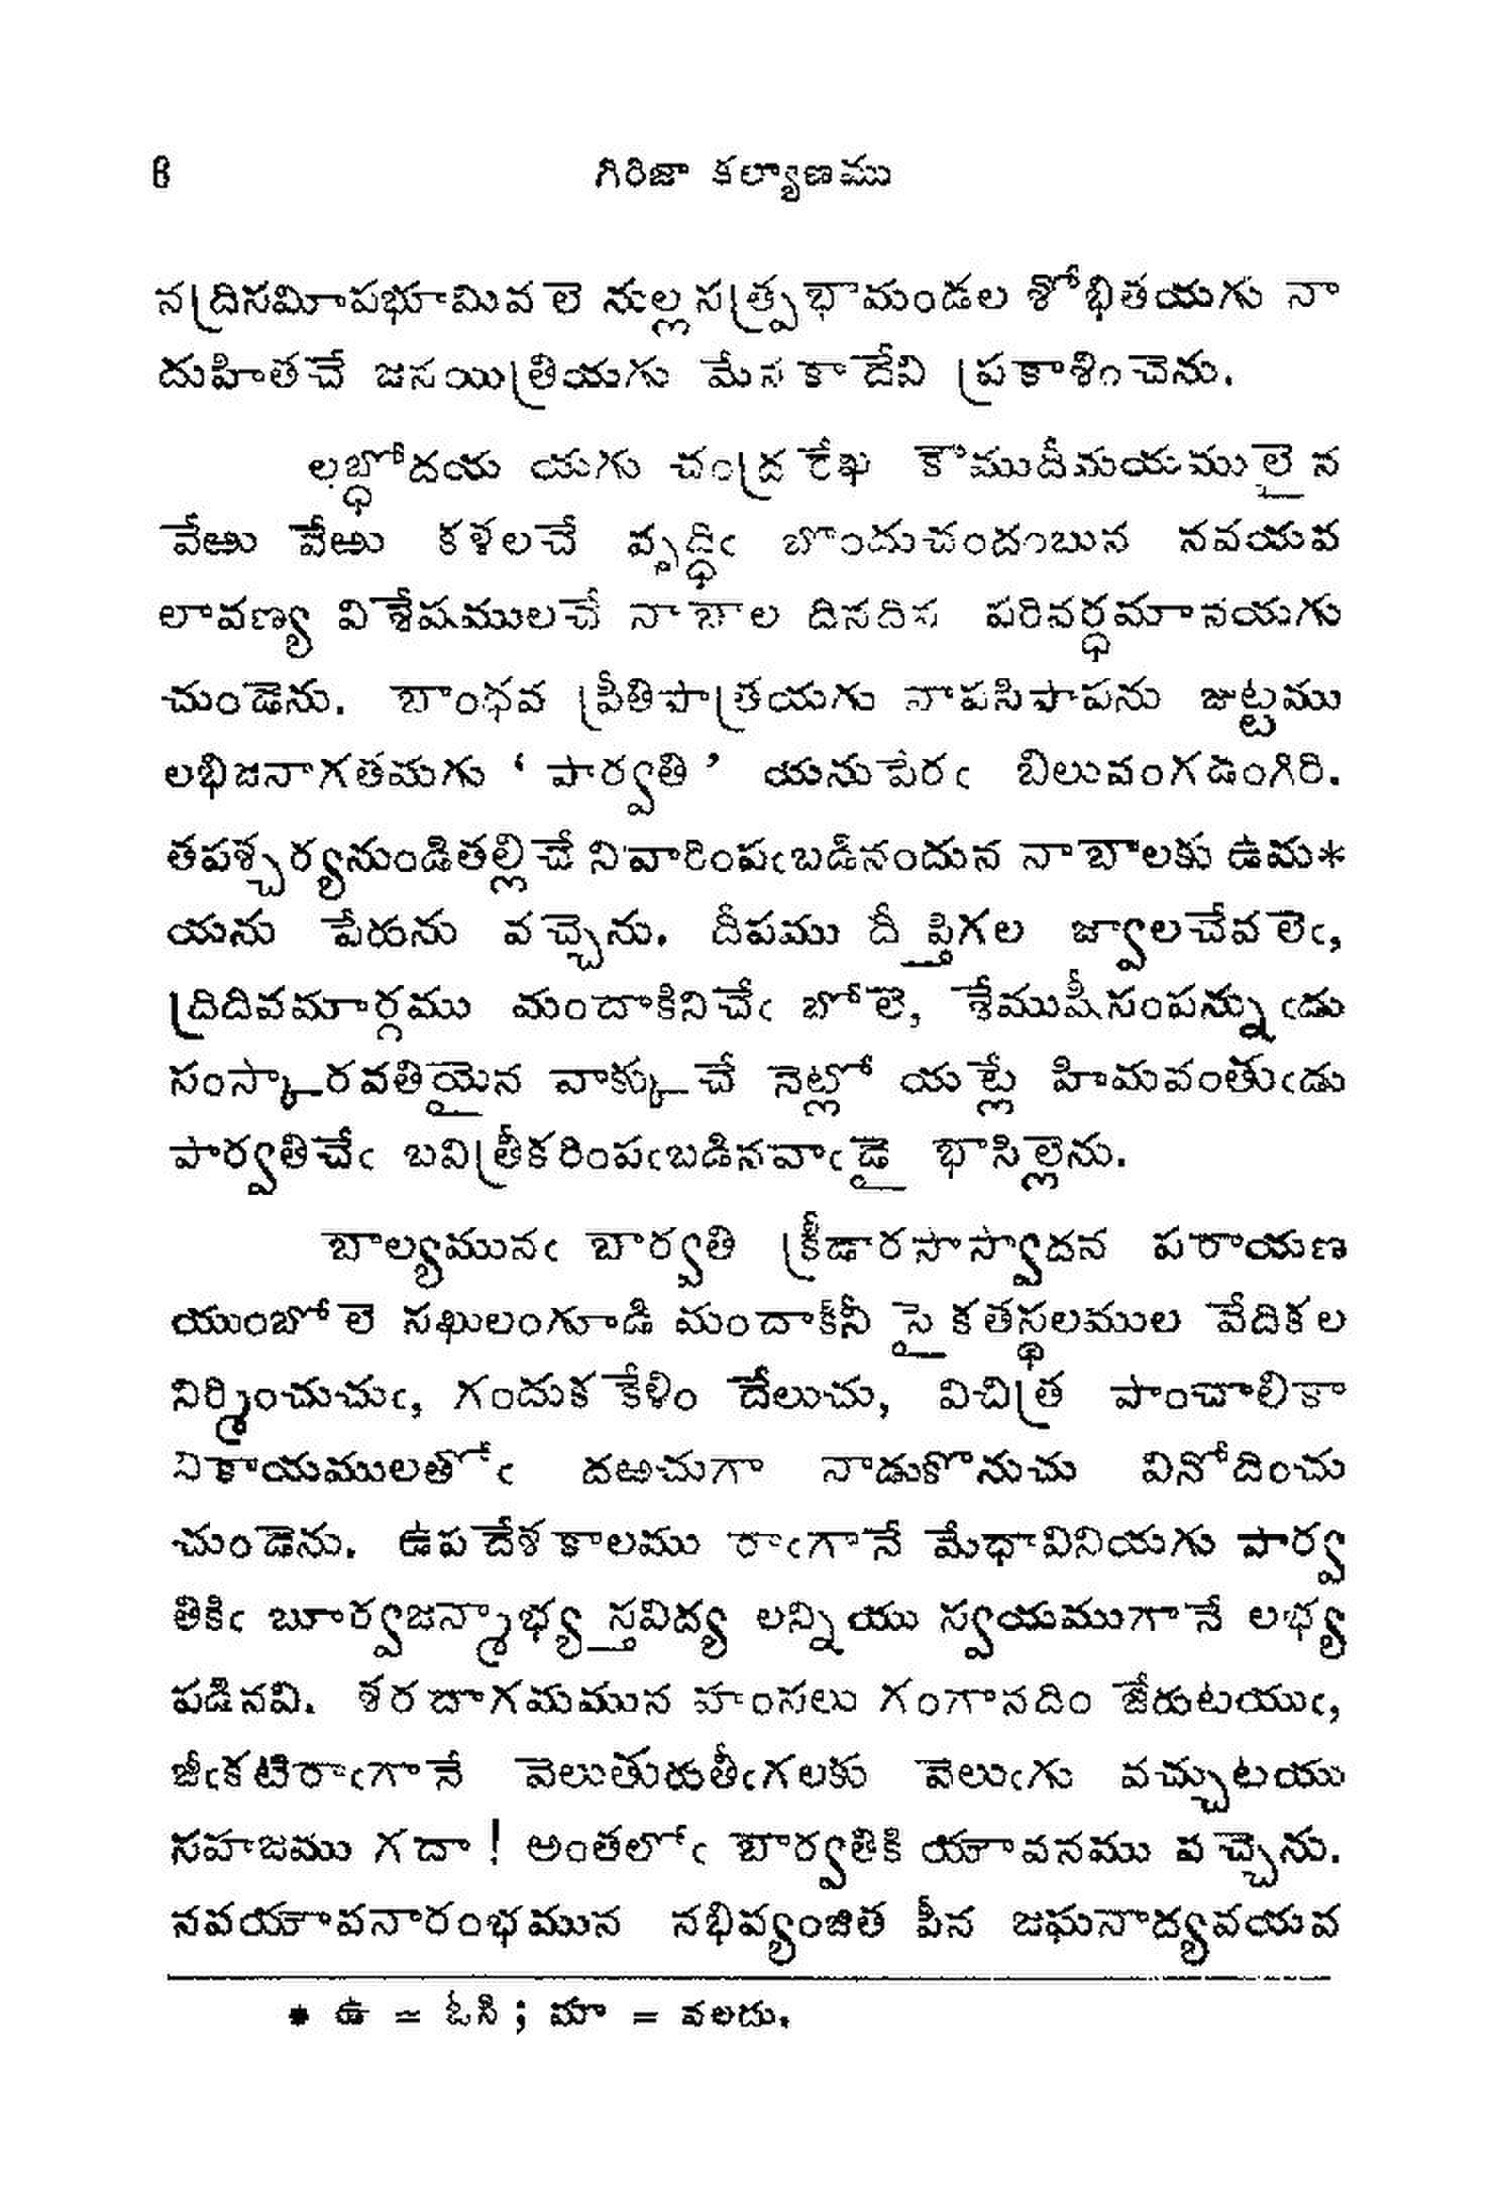నద్రి సమీపభూమివలె నుల్ల సత్ప్రభామండల శోభితయగు నాదుహితచే జనయిత్రియగు మేనకాదేవి ప్రకాశిం చెను.

లబ్దొదయ యగు చంద్ర రేఖ కౌముదీమయములైన వేఱు వేఱు కళలచే వృద్ధిఁ బొందుచందంబున నవయవ లావణ్య విశేషములచే నాబాల దినదిన పరివర్ధమానయగు చుండెను. బాంధవ ప్రీతిపాత్రయగు నాపసిపాపను జుట్టము
లభిజనాగతమగు 'పార్వతి' యను పేరఁ బిలువంగడంగిరి. తపశ్చర్య నుండి తల్లిచే నివారింపఁబడినందున నాబాలకు ఉమ*యను పేరును వచ్చెను. దీపము దీప్తిగల జ్వాలచేవలెఁ, ద్రిదీవమార్గము మందాకినిచేఁ బోలె, శేముషీ సంపన్నుఁడు సంస్కారవతియైన వాక్కుచే నెట్లో యట్లే హిమవంతుఁడు పార్వతిచేఁ బవిత్రీకరింపఁబడినవాఁడై భాసిల్లెను.

బాల్యమునఁ బార్వతి క్రీడారసాస్వాదన పరాయణయుంబోలె సఖులంగూడి మందాకినీ సైకతస్థలముల వేదికల నిర్మించుచుఁ, గందుక కేళిం దేలుచు, విచిత్ర పాంచాలికా వికాయములతోఁ దఱచుగా నాడుకొనుచు వినోదించు చుండెను. ఉపదేశకాలము రాఁగానే మేధావినియగు పార్వతికిఁ బూర్వజన్మాభ్య స్తవిద్య లన్నియు స్వయముగానే లభ్యపడినవి. శరదాగమమున హంసలు గంగానదిం జేరుటయుఁ, జీఁకటిరాఁగానే వెలుతురుతీఁగలకు వెలుఁగు వచ్చుటయు సహజము గదా ! అంతలోఁ బార్వతికి యౌవనము వచ్చెను. నవయౌవనారంభమున నభివ్యంజిత పీన జఘనాద్యవయవ